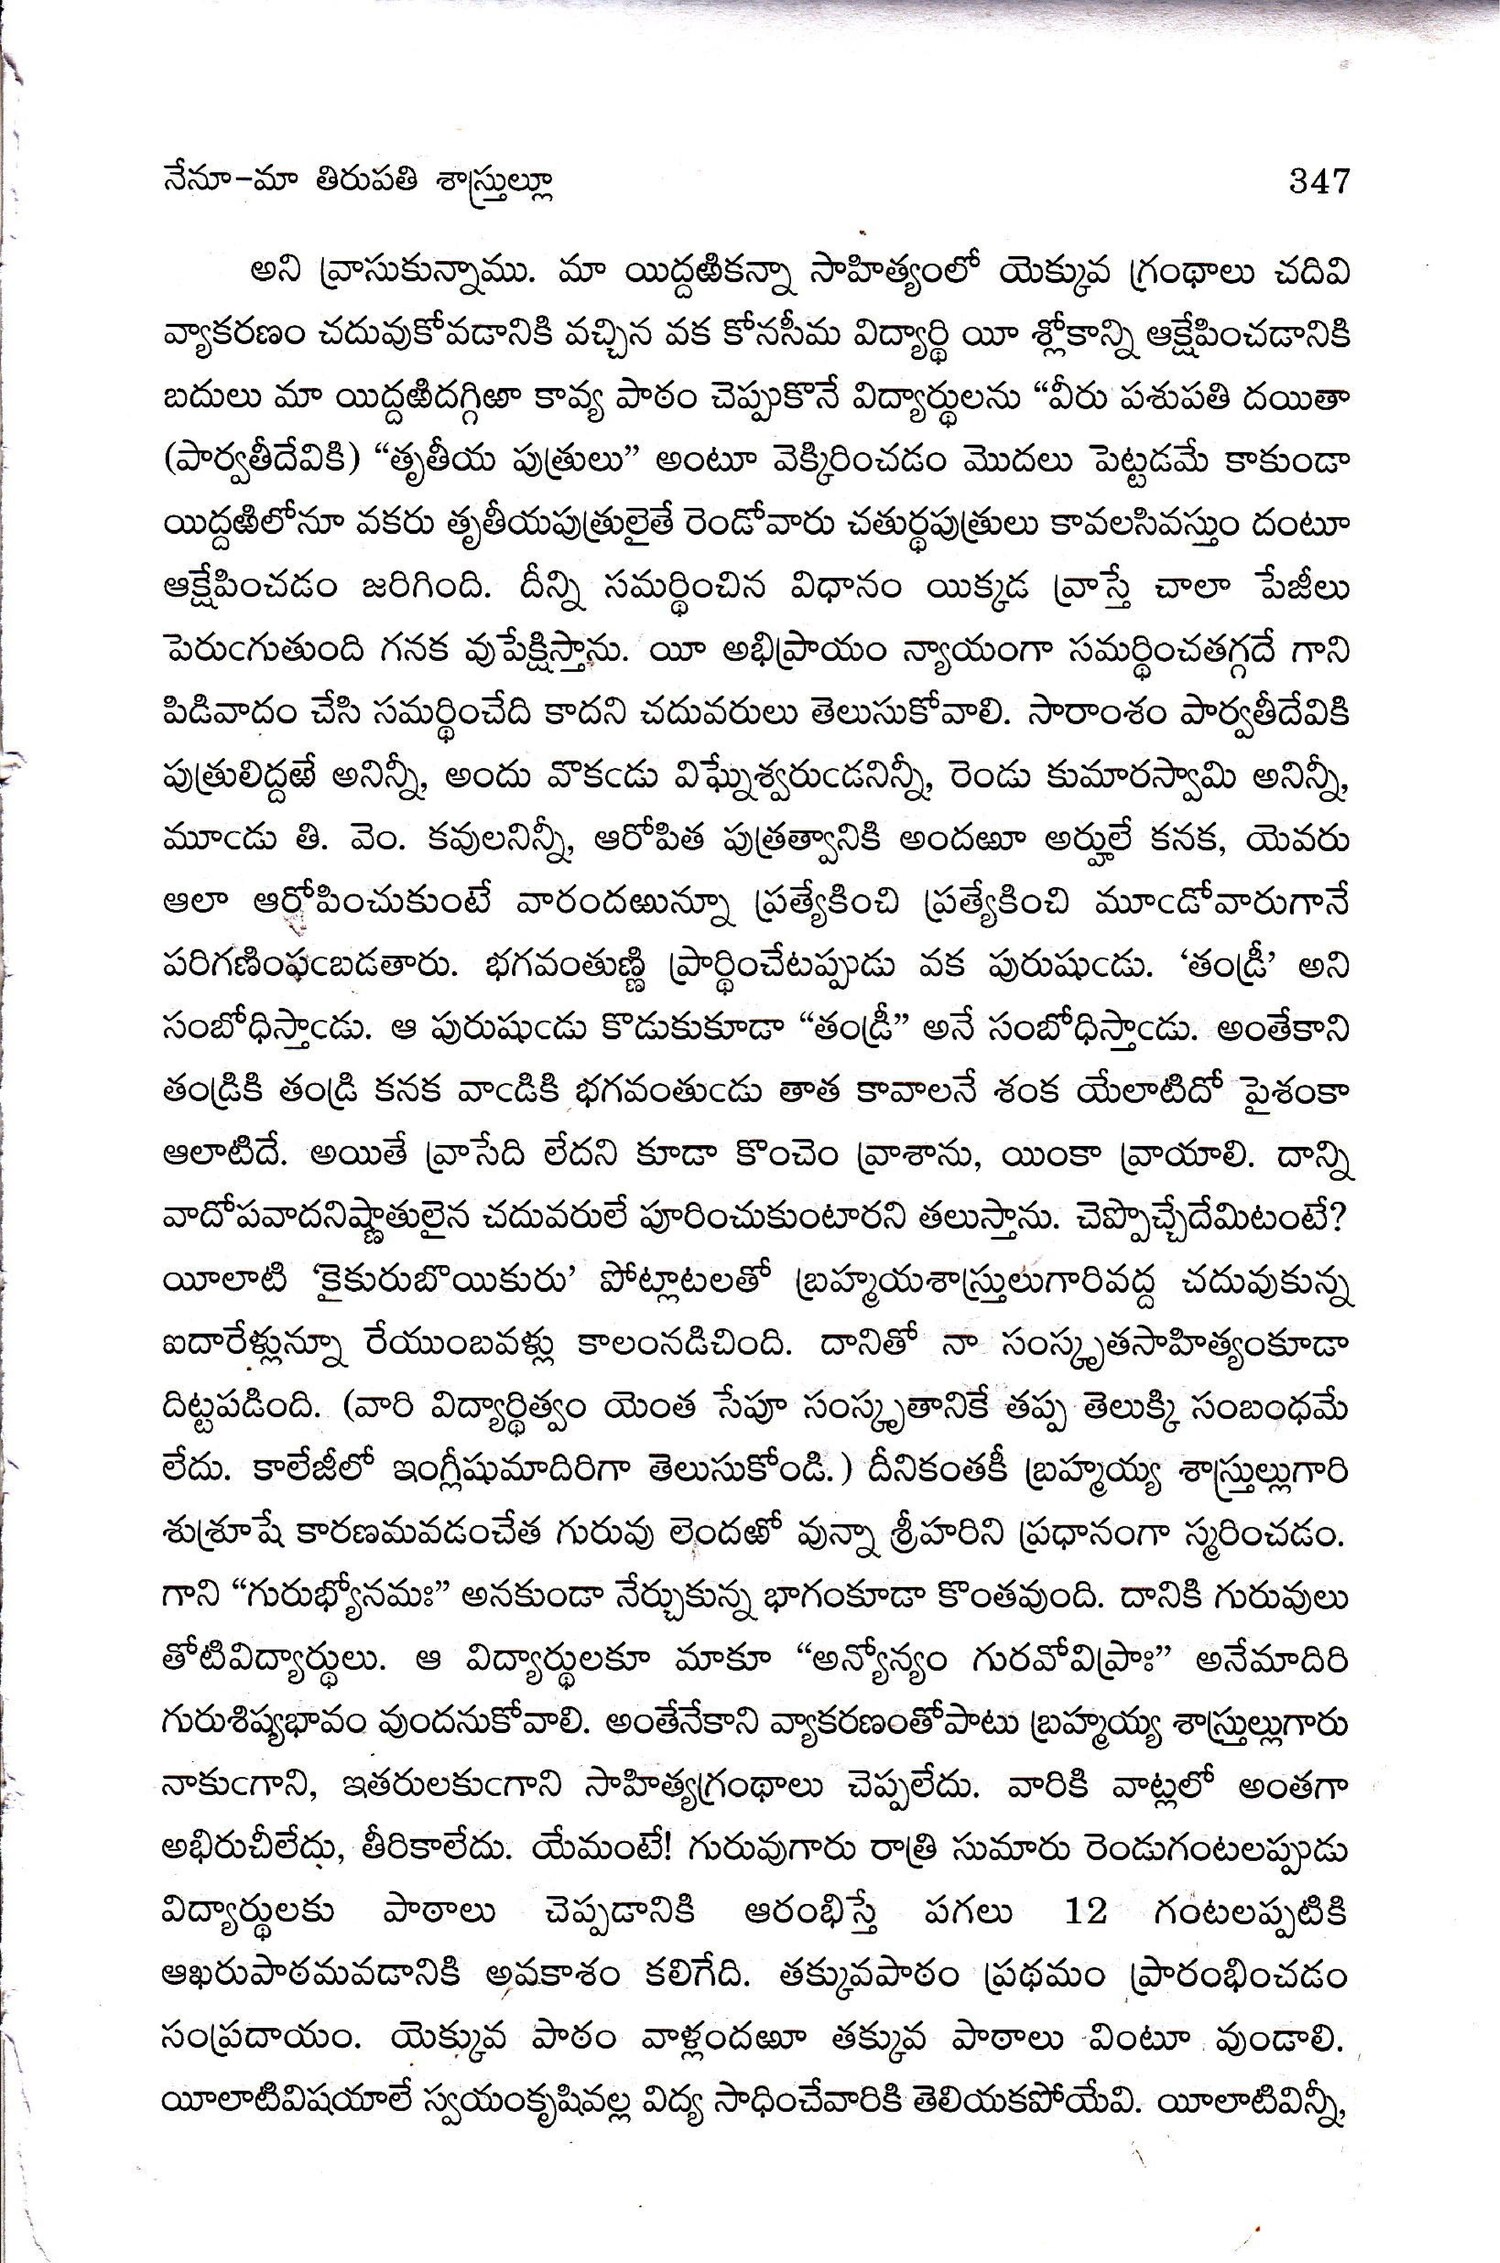అని వ్రాసుకున్నాము. మా యిద్దఱికన్నా సాహిత్యంలో యెక్కువ గ్రంథాలు చదివి వ్యాకరణం చదువుకోవడానికి వచ్చిన వక కోనసీమ విద్యార్థి యీ శ్లోకాన్ని ఆక్షేపించడానికి బదులు మా యిద్దఱిదగ్గిఱా కావ్య పాఠం చెప్పుకొనే విద్యార్థులను “వీరు పశుపతి దయితా (పార్వతీదేవికి) "తృతీయ పుత్రులు" అంటూ వెక్కిరించడం మొదలు పెట్టడమే కాకుండా యిద్దఱిలోనూ వకరు తృతీయపుత్రులైతే రెండోవారు చతుర్థపుత్రులు కావలసివస్తుం దంటూ ఆక్షేపించడం జరిగింది. దీన్ని సమర్ధించిన విధానం యిక్కడ వ్రాస్తే చాలా పేజీలు పెరుcగుతుంది గనక వుపేక్షిస్తాను. యీ అభిప్రాయం న్యాయంగా సమర్ధించతగ్గదే గాని పిడివాదం చేసి సమర్థించేది కాదని చదువరులు తెలుసుకోవాలి. సారాంశం పార్వతీదేవికి పుత్రులిద్దఱే అనిన్నీ అందు వొకఁడు విఘ్నేశ్వరుఁడనిన్నీ రెండు కుమారస్వామి అనిన్నీ మూఁడు తి. వెం. కవులనిన్నీ ఆరోపిత పుత్రత్వానికి అందఱూ అర్హులే కనక, యెవరు ఆలా ఆరోపించుకుంటే వారందఱున్నూ ప్రత్యేకించి ప్రత్యేకించి మూఁడోవారుగానే పరిగణింపఁబడతారు. భగవంతుణ్ణి ప్రార్థించేటప్పుడు వక పురుషుఁడు. 'తండ్రీ' అని సంబోధిస్తాఁడు. ఆ పురుషుఁడు కొడుకుకూడా “తండ్రీ" అనే సంబోధిస్తాఁడు. అంతేకాని తండ్రికి తండ్రి కనక వాఁడికి భగవంతుఁడు తాత కావాలనే శంక యేలాటిదో పైశంకా ఆలాటిదే. అయితే వ్రాసేది లేదని కూడా కొంచెం వ్రాశాను, యింకా వ్రాయాలి. దాన్ని వాదోపవాదనిష్ణాతులైన చదువరులే పూరించుకుంటారని తలుస్తాను. చెప్పొచ్చేదేమిటంటే? యీలాటి 'కైకురుబొయికురు' పోట్లాటలతో బ్రహ్మయశాస్త్రులుగారివద్ద చదువుకున్న ఐదారేళ్లున్నూ రేయుంబవళ్లు కాలంనడిచింది. దానితో నా సంస్కృతసాహిత్యంకూడా దిట్టపడింది. (వారి విద్యార్ధిత్వం యెంత సేపూ సంస్కృతానికే తప్ప తెలుక్కి సంబంధమే లేదు. కాలేజీలో ఇంగ్లీషుమాదిరిగా తెలుసుకోండి.) దీనికంతకీ బ్రహ్మయ్య శాస్త్రుల్లుగారి శుశ్రూషే కారణమవడంచేత గురువు లెందఱో వున్నా శ్రీహరిని ప్రధానంగా స్మరించడం. గాని “గురుభ్యోనమః" అనకుండా నేర్చుకున్న భాగంకూడా కొంతవుంది. దానికి గురువులు తోటివిద్యార్థులు. ఆ విద్యార్థులకూ మాకూ "అన్యోన్యం గురవోవిప్రాః” అనేమాదిరి గురుశిష్యభావం వుందనుకోవాలి. అంతేనేకాని వ్యాకరణంతోపాటు బ్రహ్మయ్య శాస్త్రుల్లుగారు నాకుఁగాని, ఇతరులకుఁగాని సాహిత్యగ్రంథాలు చెప్పలేదు. వారికి వాట్లలో అంతగా అభిరుచీలేదు, తీరికాలేదు. యేమంటే! గురువుగారు రాత్రి సుమారు రెండుగంటలప్పుడు విద్యార్థులకు పాఠాలు చెప్పడానికి ఆరంభిస్తే పగలు 12 గంటలప్పటికి ఆఖరుపాఠమవడానికి అవకాశం కలిగేది. తక్కువపాఠం ప్రథమం ప్రారంభించడం సంప్రదాయం. యెక్కువ పాఠం వాళ్లందఱూ తక్కువ పాఠాలు వింటూ వుండాలి. యీలాటివిషయాలే స్వయంకృషివల్ల విద్య సాధించేవారికి తెలియకపోయేవి. యీలాటివిన్నీ